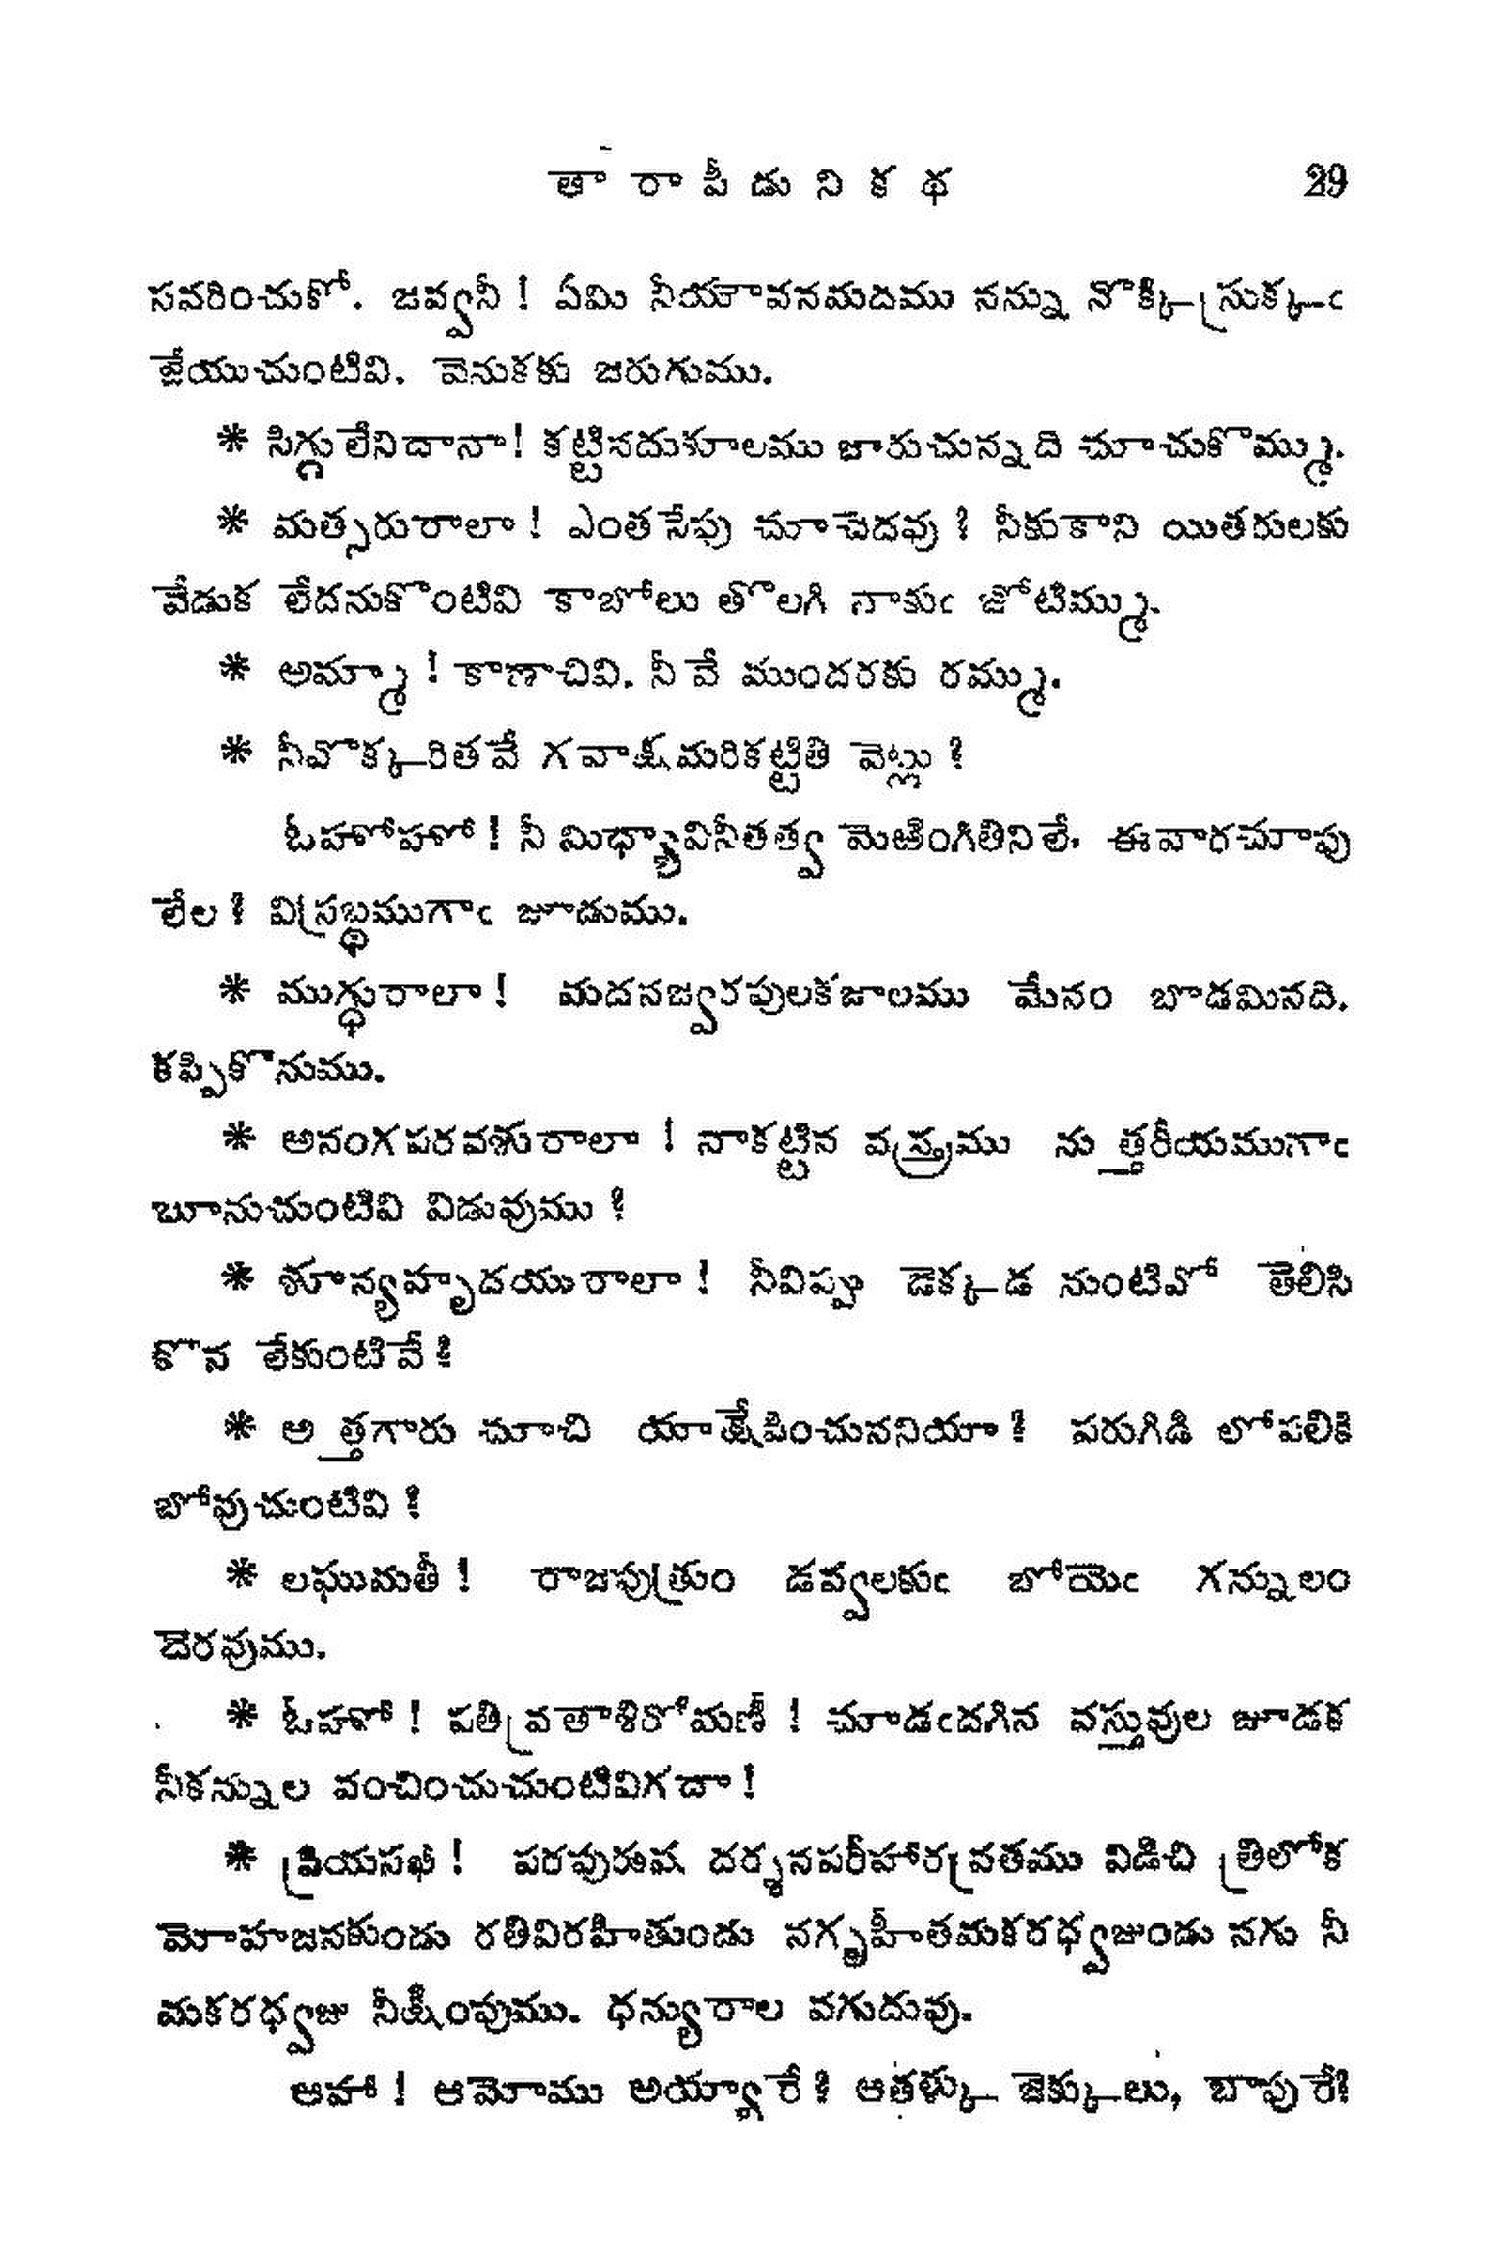సవరించుకో. జవ్వనీ! ఏమి నీయౌవనమదము నన్ను నొక్కిస్రుక్కఁ జేయుచుంటివి. వెనుకకు జరుగుము.

 సిగ్గులేనిదానా! కట్టినదుకూలము జారుచున్నది చూచుకొమ్ము.

 మత్సరురాలా! ఎంతసేపు చూచెదవు? నీకుకాని యితరులకు వేడుక లేదనుకొంటివి కాబోలు తొలగి నాకుఁ జోటిమ్ము.

 అమ్మా! కాణాచివి. నీవే ముందరకు రమ్ము.

 నీవొక్కరితవే గవాక్షమరికట్టితి వెట్లు?

 ఓహోహో! నీ మిధ్యావినీతత్వ మెఱింగితినిలే. ఈవారచూపు లేల? విస్రబ్థముగాఁ జూడుము.

 ముగ్ధురాలా! మదనజ్వరపులకజాలము మేనం బొడమినది. కప్పికొనుము.

 అనంగపరవశురాలా! నాకట్టిన వస్త్రము నుత్తరీయముగాఁ బూనుచుంటివి విడువుము?

 శూన్యహృదయురాలా! నీవిప్పు డెక్కడ నుంటివో తెలిసికొన లేకుంటివే?

 అత్తగారు చూచి యాక్షేపించుననియా? పరుగిడి లోపలికి బోవుచుంటివి?

 లఘుమతీ! రాజపుత్రుం డవ్వలకుఁ బోయెఁ గన్నులం దెరవుము.

 ఓహో! పతివ్రతాశిరోమణీ! చూడఁదగిన వస్తువుల జూడక నీకన్నుల వంచించుచుంటివిగదా!

 ప్రియసఖీ! పరపురుష దర్శనపరీహారవ్రతము విడిచి త్రిలోక మోహజనకుండు రతివిరహితుండు నగృహీతమకరధ్వజుండు నగు నీ మకరధ్వజు నీక్షింపుము. ధన్యురాల వగుదువు.

ఆహా! ఆమోము అయ్యారే? ఆతళ్కు జెక్కులు, బాపురే?